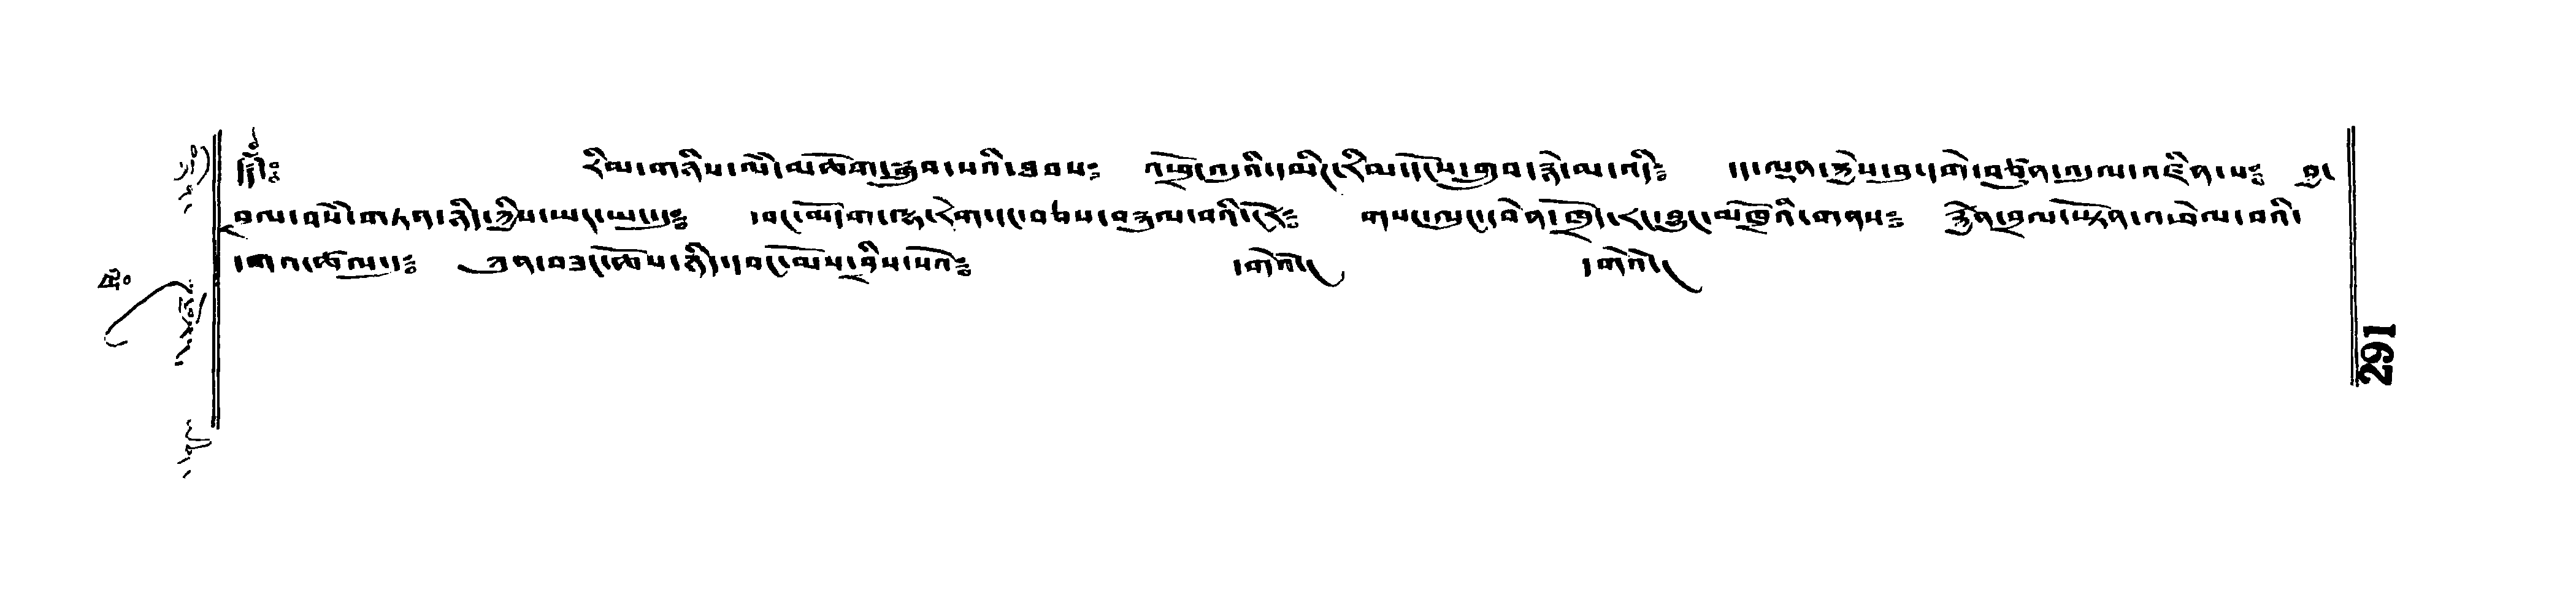རིམ་གཉིས་ལམ་མཆོག་སྒྲུབ་པའི་ཐབས། །འཕྲོ་འདུའི་དམིགས་རིམ་དངོས་གྲུབ་སྙེ་མ་འདི། །དད་ལྡན་སྐྱེས་བུ་དགེ་བཙུན་འདུལ་འཛིན་པ། །བྱ་
བྲལ་བསམ་གཏན་ཉིད་ཀྱིས་ཡང་ཡང་དུ། །དབང་མདོག་ལྷ་རེག་དང་བཅས་བསྐུལ་པའི་ངོར། །གསང་ལུང་དབེན་ཁྲོད་རང་བྱུང་མཁའ་འགྲོའི་གནས། །སྐྱོན་བྲལ་ཡོན་ཏན་འཕེལ་བའི་
དགའ་ཚལ་དུ། །ཀུན་བཟང་ཆོས་ཉིད་དབང་མོས་བྲིས་པའོ།།དགེའོ།། དགེའོ།།